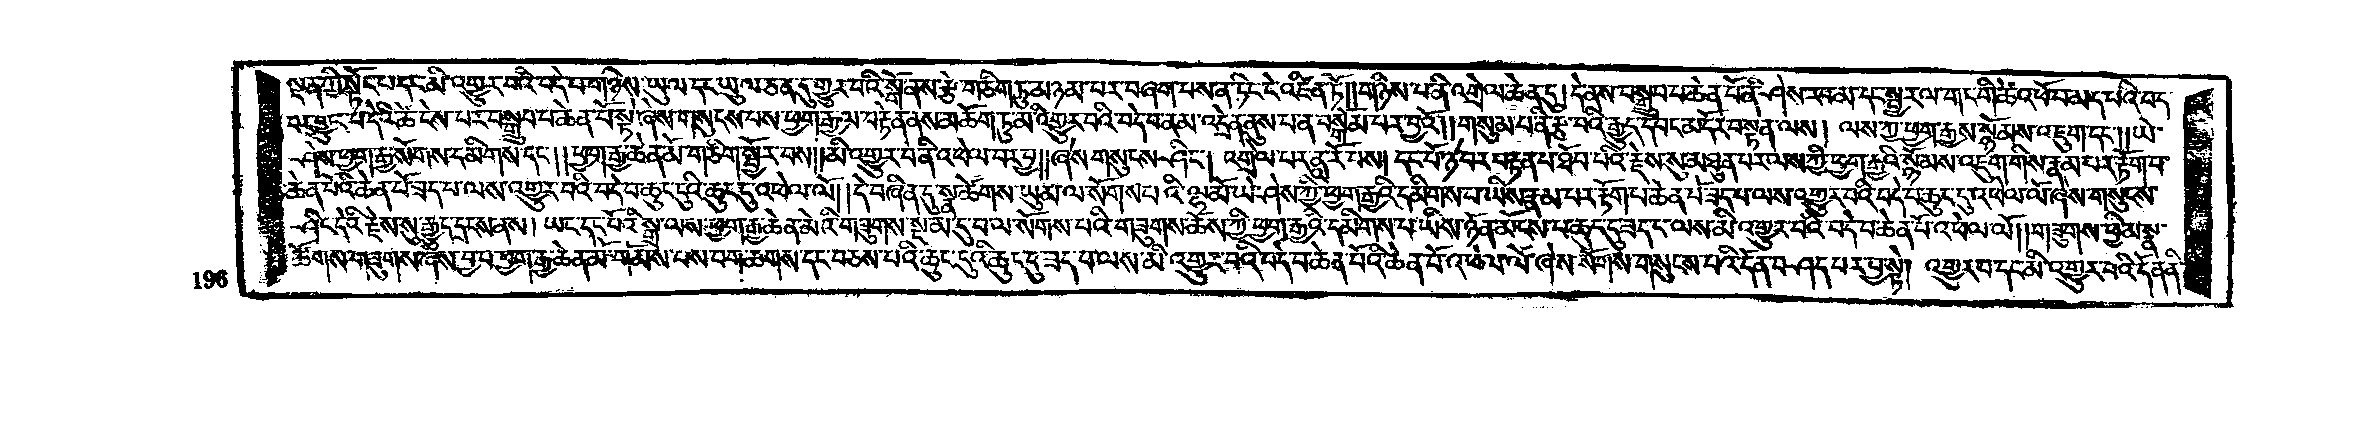ལྡན་གྱི་སྟོང་པ་དང་མི་འགྱུར་བའི་བདེ་བ་གཉིས་ཡུལ་དང་ཡུལ་ཅན་དུ་གྱུར་པའི་སྒོ་ནས་རྩེ་གཅིག་ཏུ་མཉམ་པར་བཞག་པས་ན་ཏིང་ངེ་འཛིན་ཏོ། །གཉིས་ནི་འགྲེལ་ཆེན་དུ། དེ་ནས་བསྒྲུབ་པ་ཆེན་པོ་ནི་ཤེས་རབ་མ་དང་སྦྱར་ལ་གང་གི་ཚེ་འཕོ་བ་མོད?་པའི་བདེ?
བར་བྱུང་བ་དེའི་ཚེ་ངེས་པར་བསྒྲུབ་པ་ཆེན་པོ་སྟེ་ཞེས་གསུངས་པས་ཕྱག་རྒྱལ་བརྟེན་ནས་མཆོག་ཏུ་མི་འགྱུར་བའི་བདེ་བ་ནམ་འདྲེན་ནུས་པ་ན་བསྒོམ་པར་བྱའོ། །གསུམ་པ་ནི་རྩ་བའི་རྒྱུད་དབང་མདོར་བསྟན་ལས། ལས་ཀྱི་ཕྱག་རྒྱས་སྙོམས་འཇུག་དང་། །ཡེ་
ཤེས་ཕྱག་རྒྱ་སོགས་དམིགས་དང་། །ཕྱག་རྒྱ་ཆེན་མོ་གཅིག་སྦྱོར་བས། །མི་འགྱུར་བ་ནི་འཕེལ་བར་བྱ། །ཞེས་གསུངས་ཤིང་། འགྲེལ་པར་ནཱ་རོ་པས། དང་པོ་ཉེ་བར་བརྟན་པ་ཐོབ་པའི་རྗེས་སུ་མཐུན་པར་ལས་ཀྱི་ཕྱག་རྒྱའི་སྙོམས་འཇུག་གིས་རྣམ་པར་རྟོག་པ་
ཆེན་པོའི་ཆེན་པོ་ཟད་པ་ལས་འགྱུར་བའི་བདེ་བ་ཆུང་ངུའི་ཆུང་ངུ་འཕེལ་ལོ། །དེ་བཞིན་དུ་སྣ་ཚོགས་ཡུམ་ལ་སོགས་པའི་ལྷ་མོ་ཡེ་ཤེས་ཀྱི་ཕྱག་རྒྱའི་དམིགས་པ་ཡིས་རྣམ་པར་རྟོག་པ་ཆེན་པོ་ཟད་པ་ལས་འགྱུར་བའི་བདེ་བ་ཆུང་ངུ་འཕེལ་ལོ་ཞེས་གསུངས་
ཤིང་དེའི་རྗེས་སུ་རྒྱུད་དྲངས་ནས། ཡང་དང་པོའི་སྒྲ་ལས་ཕྱག་རྒྱ་ཆེན་མོའི་གཟུགས་སྔ་མ་དུ་བ་ལ་སོགས་པའི་གཟུགས་ཆོས་ཀྱི་ཕྱག་རྒྱའི་དམིགས་པ་ཡིས་ཉོན་མོངས་པ་ཆུང་ངུ་ཟད་པ་ལས་མི་འགྱུར་བའི་བདེ་བ་ཆེན་པོ་འཕེལ་ལོ། །གཟུགས་ཕྱི་མ་སྣ་
ཚོགས་གཟུགས་ཞེས་བྱ་བ་ཕྱག་རྒྱ་ཆེན་མོ་གོམས་པས་བག་ཆགས་དང་བཅས་པའི་ཆུང་ངུའི་ཆུང་ངུ་ཟད་པ་ལས་མི་འགྱུར་བའི་བདེ་བ་ཆེན་པོའི་འཕེལ་ལོ་ཞེས་སོགས་གསུངས་པའི་དོན་བཤད་པར་བྱ་སྟེ། འགྱུར་བ་དང་མི་འགྱུར་བའི་དོན་ནི་